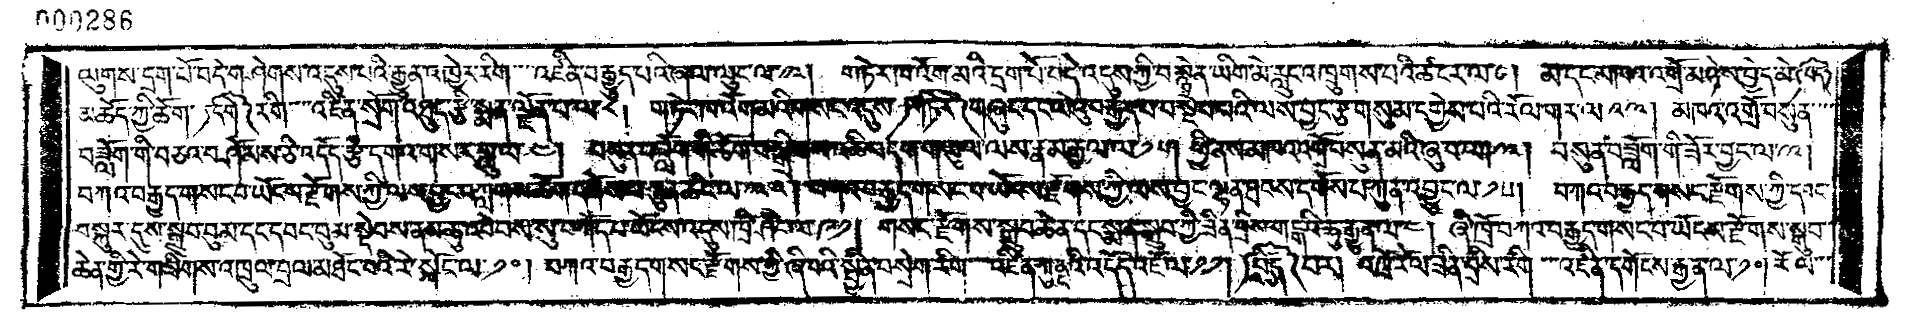ལུགས་དྲག་པོ་བདེ་གཤེགས་འདུས་པའི་རྒྱུན་འཁྱེར་རིག་འཛིན་བརྒྱུད་པའི་ཞལ་ལུང་ལ ༣། གཏེར་ཁ་འོག་མའི་དྲག་པོ་བདེ་འདུས་ཀྱི་བསྙེན་ཡིག་མེ་རླུང་འཁྲུགས་པའི་ཚ་ངར་ལ ༦། མ་དང་མཁའ་འགྲོ་མཉེས་བྱེད་མེ ༼པད༽
མཆོད་ཀྱི་ཆོ་ག ༼དགེ༽ རིག་འཛིན་སྲོག་འཐུད་རྩི་སྨན་ལྗོན་པ་ལ ༨། གཏེར་ཁ་འོག་མའི་གསང་འདུས ༼གཏེར༽ གཞུང་དང་ལེའུ་བརྒྱད་པ་བ་སྡེབ་པའི་ལས་བྱང་རྩ་གསུམ་དགྱེས་པའི་རོལ་གར་ལ ༢༣། མཁའ་འགྲོ་བསུན་
བཟློག་གི་བཅའ་བཤོམས་ཅི་འདོད་རྩེ་དགའ་གསར་གླུ་ལ ༤། བསུན་བཟློག་གི་ཆོག་བསྒྲིགས་འཆི་བདག་གཡུལ་ལས་རྣམ་རྒྱལ་ལ། ༡༥། ཕྱི་ནས་མཁའ་འགྲོ་བསུན་མའི་ཞུ་བ་ལ། ༣། བསུན་བཟློག་གི་ཟོར་བྱང་ལ ༣།
བཀའ་བརྒྱད་གསང་བ་ཡོངས་རྫོགས་ཀྱི་ལས་བྱང་བཀླགས་ཆོག་དགོས་པ་ཀུན་ཚང་ལ ༣༢། བཀའ་བརྒྱད་གསང་བ་ཡོངས་རྫོགས་ཀྱི་ལས་བྱང་ལྷན་ཐབས་དགོས་པ་ཀུན་འབྱུང་ལ། ༡༥། བཀའ་བརྒྱད་གསང་རྫོགས་ཀྱི་དབང་
བསྐུར་དུས་སྒྲུབ་བུམ་དང་དབང་བུམ་སྡེབས་ནས་ཆུ་འབེབས་སུ་བཀོད་པ་ཡོངས་འདུས་ཁྲི་ཤིང་ལ ༩༡། གསང་རྫོགས་སྒྲུབ་ཆེན་དང་སྨན་སྒྲུབ་ཀྱི་ཟིན་བྲིས་གངྒའི་ཆུ་རྒྱུན་ལ ༤། ཞི་ཁྲོ་བཀའ་བརྒྱད་གསང་བ་ཡོངས་རྫོགས་སྒྲུབ་
ཆེན་གྱི་རེ་གཟིགས་འཁྲུལ་བྲལ་མཐོང་བའི་རེ་སྐོང་ལ ༡༠། བཀའ་བརྒྱད་གསང་རྫོགས་ཀྱི་ཞི་བའི་སྦྱིན་བསྲེག་རིག་འཛིན་ཀུནྡའི་འདོད་འཇོ་ལ ༡༡། ༼པོད༢༧༽ པར། འཁྲོ་རོལ་ཟིན་བྲིས་རིག་འཛིན་དགོངས་རྒྱན་ལ ༡༠། རོལ་